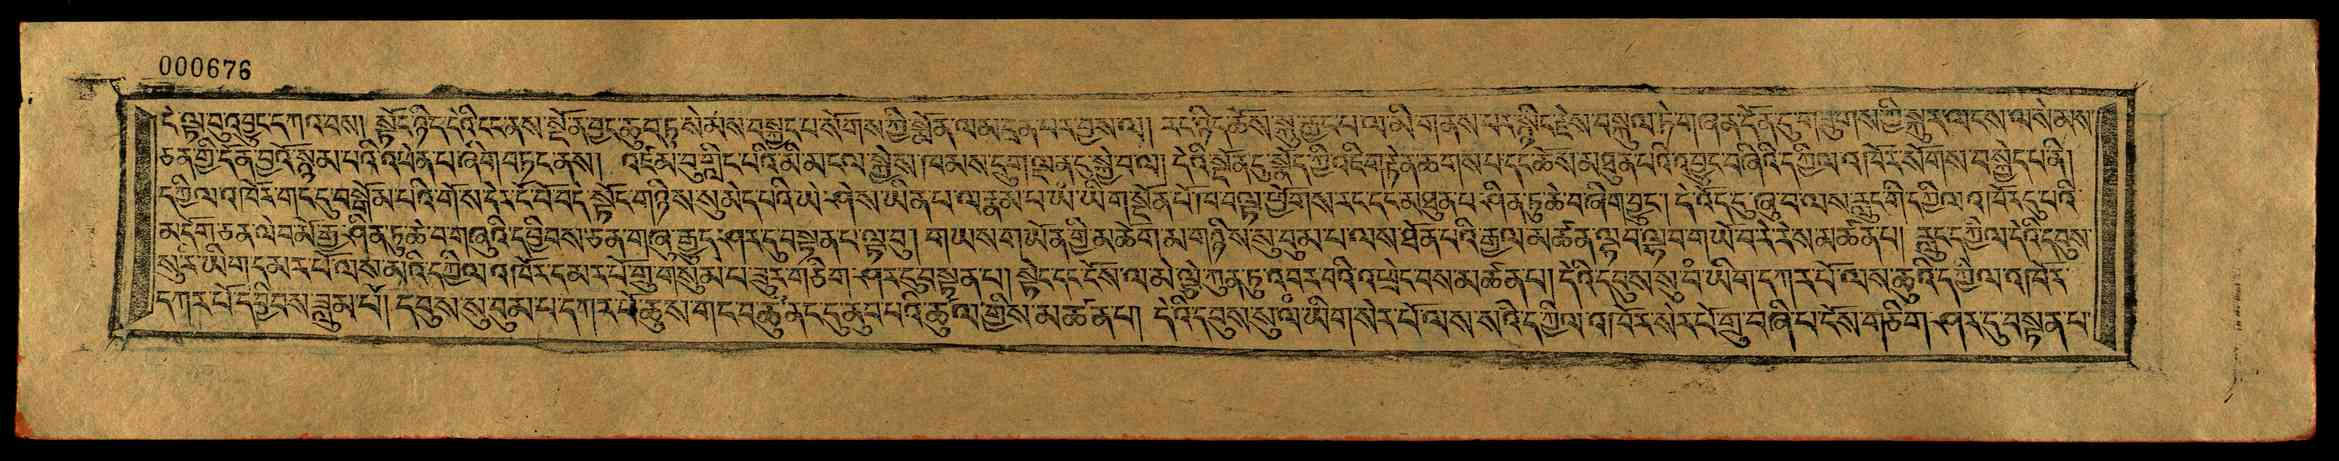དེ་ལྟ་བུ་འབྱུང་དཀའ་བས། སྟོང་ཉིད་དེའི་ངང་ནས་སྔོན་བྱང་ཆུབ་ཏུ་སེམས་བསྐྱེད་པ་སོགས་ཀྱི་སྨོན་ལམ་དྲན་པར་བྱས་ལ། རང་ཉིད་ཆོས་སྐུ་རྐྱང་པ་ལ་མི་གནས་པར་སྙིང་རྗེས་བསྐུལ་ཏེ་གཞན་དོན་དུ་གཟུགས་ཀྱི་སྐུར་ལངས་ལ་སེམས་
ཅན་གྱི་དོན་བྱའོ་སྙམ་པའི་འཕེན་པ་ཞིག་བཏང་ནས། འཛམ་བུ་གླིང་པའི་མི་མངལ་སྐྱེས་ཁམས་དྲུག་ལྡན་དུ་སྐྱེ་བ་ལ། དེའི་སྔོན་དུ་སྣོད་ཀྱི་འཇིག་རྟེན་ཆགས་པ་དང་ཆོས་མཐུན་པའི་འབྱུང་བཞིའི་དཀྱིལ་འཁོར་སོགས་བསྐྱེད་པ་ནི།
དཀྱིལ་འཁོར་གང་དུ་བསྒོམ་པའི་གོ་ས་དེར་ངོ་བོ་བདེ་སྟོང་གཉིས་སུ་མེད་པའི་ཡེ་ཤེས་ཡིན་པ་ལ་རྣམ་པ་ཡཾ་ཡིག་སྔོན་པོ་ཁ་བལྟ་ཕྱོགས་རང་དང་མཐུན་པ་ཤིན་ཏུ་ཆེ་བ་ཞིག་བྱུང་། དེ་འོད་དུ་ཞུ་བ་ལས་རླུང་གི་དཀྱིལ་འཁོར་དུ་བའི་
མདོག་ཅན་ལེབ་མོ་རྒྱ་ཤིན་ཏུ་ཆེ་བ་གཞུའི་དབྱིབས་ཅན་གཞུ་རྒྱུད་ཤར་དུ་བསྟན་པ་ལྟ་བུ། གཡས་གཡོན་གྱི་མཆོག་མ་གཉིས་སུ་བུམ་པ་ལས་ཐོན་པའི་རྒྱལ་མཚན་ལྷབ་ལྷབ་གཡོ་བ་རེ་རེས་མཚན་པ། རླུང་དཀྱིལ་དེའི་དབུས་
སུ་རཾ་ཡིག་དམར་པོ་ལས་མེའི་དཀྱིལ་འཁོར་དམར་པོ་གྲུ་གསུམ་པ་ཟུར་གཅིག་ཤར་དུ་བསྟན་པ། སྟེང་དང་ངོས་ལ་མེ་ལྕེ་ཀུན་ཏུ་འབར་བའི་འཕྲེང་བས་མཚན་པ། དེའི་དབུས་སུ་བཾ་ཡིག་དཀར་པོ་ལས་ཆུའི་དཀྱིལ་འཁོར་
དཀར་པོ་དབྱིབས་ཟླུམ་པ། དབུས་སུ་བུམ་པ་དཀར་པོ་ཆུས་གང་བ་ཆུ་ནང་དུ་ནུབ་པའི་ཚུལ་གྱིས་མཚན་པ། དེའི་དབུས་སུ་ལཾ་ཡིག་སེར་པོ་ལས་སའི་དཀྱིལ་འཁོར་སེར་པོ་གྲུ་བཞི་པ་ངོས་གཅིག་ཤར་དུ་བསྟན་པ་